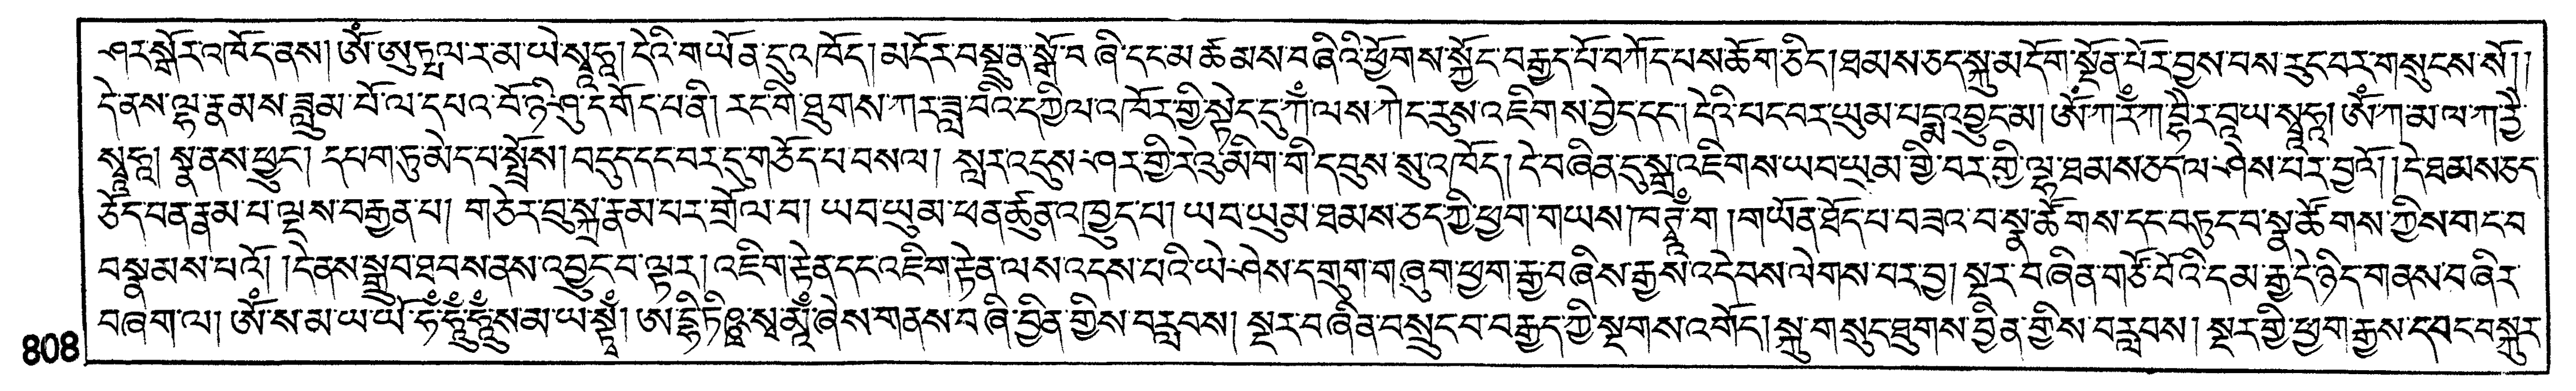ཤར་སྒོར་འཁོད་ནས། ཨོཾ་ཨུཏྤལ་ར་མ་ཡེ་སྭཱཧཱ། དེའི་གཡོན་དུ་འཁོད། མདོར་བསྡུ་ན་སྒོ་བཞི་དང་མཚམས་བཞིའི་ཕྱོགས་སྐྱོང་བརྒྱད་པོ་བཀོད་པས་ཆོག་ཅིང་། ཐམས་ཅད་སྐུ་མདོག་སྔོན་པོར་བྱས་པས་རུང་བར་གསུངས་སོ། །
དེ་ནས་ལྷ་རྣམས་ཟླུམ་པོ་ལ་དཔའ་བོ་ཉི་ཤུ་དགོད་པ་ནི། རང་གི་ཐུགས་ཀར་ཟླ་བའི་དཀྱིལ་འཁོར་གྱི་སྟེང་དུ་ཀཾ་ལས་ཀེང་རུས་འཇིགས་བྱེད་དང་། དེའི་པང་བར་ཡུམ་པདམ་འབྱུང་མ། ཨོཾ་ཀ་རཾ་ཀ་བྷཻ་ར་བཱ་ཡ་སྭཱཧཱ། ཨོཾ་ཀ་མ་ལ་ཀ་རྱཻ་
སྭཱཧཱ། སྣ་ནས་ཕྱུང་། དཔག་ཏུ་མེད་པ་སྤྲོས། བདུད་དང་བར་དུ་གཅོད་པ་བསལ། སླར་འདུས་ཤར་གྱི་རེའུ་མིག་གི་དབུས་སུ་འཁོད། དེ་བཞིན་དུ་སྒྲ་འཇིགས་ཡབ་ཡུམ་གྱི་བར་གྱི་ལྷ་ཐམས་ཅད་ལ་ཤེས་པར་བྱའོ། །དེ་ཐམས་ཅད་
ཅོད་པན་རྣམ་པ་ལྔས་བརྒྱན་པ། གཅེར་བུ་སྐྲ་རྣམ་པར་གྲོལ་བ། ཡབ་ཡུམ་ཕན་ཚུན་འཁྱུད་པ། ཡབ་ཡུམ་ཐམས་ཅད་ཀྱི་ཕྱག་གཡས་ཁ་ཊྭཱཾ་ག །གཡོན་ཐོད་པ་བཟའ་བ་སྣ་ཚོགས་དང་བཏུང་བ་སྣ་ཚོགས་ཀྱིས་གང་བ་
བསྣམས་པའོ། །དེ་ནས་སྒྲུབ་ཐབས་ནས་འབྱུང་བ་ལྟར། འཇིག་རྟེན་དང་འཇིག་རྟེན་ལས་འདས་པའི་ཡེ་ཤེས་དགུག་གཞུག་ཕྱག་རྒྱ་བཞིས་རྒྱས་འདེབས་ལེགས་པར་བྱ། སྔར་བཞིན་གཙོ་བོའི་དམ་རྒྱ་དེ་ཉིད་གནས་བཞིར་
བཞག་ལ། ཨོཾ་ས་མ་ཡ་ཡོ་ཧཾ་ཧཱུཾ་ཧཱུཾ་ས་མ་ཡ་སྟྭཾ། ཨ་དྷི་ཏི་ཥཊཿཨ་སྭ་མཱཾ་ཞེས་གནས་བཞི་བྱིན་གྱིས་བརླབས། སྔར་བཞིན་བསྲུང་བ་བརྒྱད་ཀྱི་སྔགས་འགོད། སྐུ་གསུང་ཐུགས་བྱིན་གྱིས་བརླབས། སྔར་གྱི་ཕྱག་རྒྱས་དབང་བསྐུར་